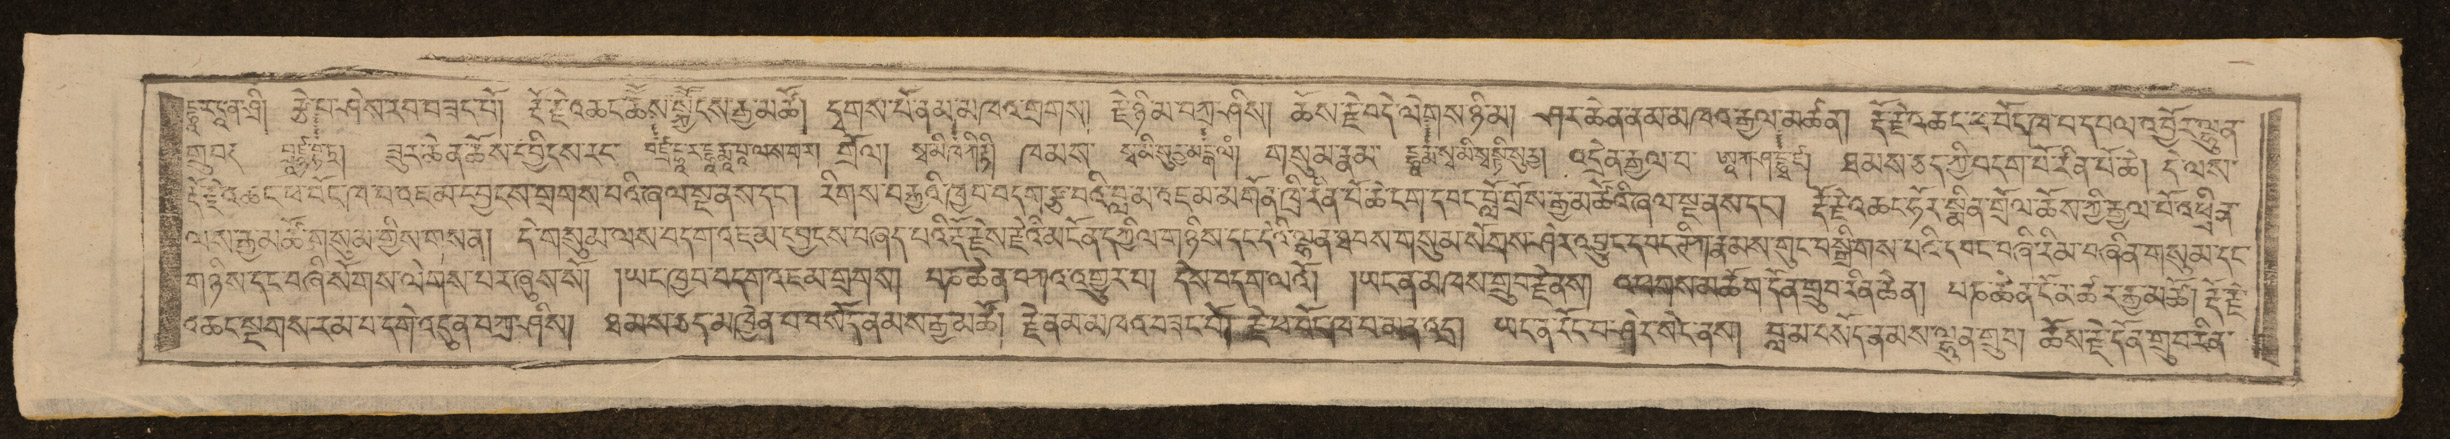དྷཱ་ར་དཱ་ན་ཤྲི། རྩེ་པ་ཤེས་རབ་བཟང་པོ། རྡོ་རྗེ་འཆང་ཆོས་སྐྱོངས་རྒྱ་མཚོ། དྭགས་པོ་ནམ་མཁའ་གྲགས། རྗེ་ཉི་མ་བཀྲ་ཤིས། ཆོས་རྗེ་བདེ་ལེགས་ཉི་མ། ཤར་ཆེན་ནམ་མཁའ་རྒྱལ་མཚན། རྡོ་རྗེ་འཆང་ཕ་བོང་ཁ་པ་དཔལ་འབྱོར་ལྷུན་
གྲུབ༑ པྲའ་ཛྙ་བྷ་ཏྲ། ཟུར་ཆེན་ཆོས་དབྱིངས་རང་བཛྲ་ར་དྷཱ་རྨཱ་པཱ་ལས་པར། གྲོལ། སྭ་མི་ཁ་ཀི་རྟི། ཁམས་སྭ་མི་སུ་རྱ་མངླཾ། གསུམ་རྣམ། དྷཱ་རྨ་སྭ་མི་སྭ་སྟི་སུ་རྱ། འདྲེན་རྒྱལ་པ་ཨཱ་ཀ་ཤ་དྷཱ་ཛ། ཐམས་ཅད་ཀྱི་བདག་པོ་རིན་པོ་ཆེ། དེ་ལས་
རྡོ་རྗེ་འཆང་ཕ་བོང་ཁ་བ་འཇམ་དབྱངས་གྲགས་པའི་ཞལ་སྔ་ནས་དང་། རིགས་བརྒྱའི་ཁྱབ་བདག་རྩ་བའི་བླ་མ་འཇམ་མགོན་ཁྲི་རིན་པོ་ཆེ་ངག་དབང་བློ་གྲོས་རྒྱ་མཚོའི་ཞལ་སྔ་ནས་དང་། རྡོ་རྗེ་འཆང་ཧོར་སྨིན་གྲོལ་ཆོས་ཀྱི་རྒྱལ་བོ་འཕྲིན་
ལས་རྒྱ་མཚོ་གསུམ་གྱིས་གསན། དེ་གསུམ་ལས་བདག་འཇམ་དབྱངས་བཞད་པའི་རྡོ་རྗེས་རྗེའི་མངོན་དཀྱིལ་གཉིས་དང་དེའི་ལྷན་ཐབས་གསུམ་སོགས་ཤེར་འབྱུང་དབང་ཊིཀ་རྣམས་གུང་བསྒྲིགས་པའི་དབང་བཞི་རིམ་བཞིན་གསུམ་དང་
གཉིས་དང་བཞི་སོགས་ལེགས་པར་ཞུས་སོ། །ཡང་ཁྱབ་བདག་འཇམ་གྲགས། པཎ་ཆེན་བཀའ་འབྱུར་བ། དེས་བདག་ལའོ། །ཡང་ན་མཁས་གྲུབ་རྗེ་ནས། འཕགས་མཆོག་དོན་གྲུབ་རིན་ཆེན། པཎ་ཆེན་ངོ་མཚར་རྒྱ་མཚོ། རྡོ་རྗེ་
ཕ༹འཆང་སྔགས་རམ་པ་དགེ་འདུན་བཀྲ་ཤིས། ཐམས་ཅད་མཁྱེན་པ་བསོད་ནམས་རྒྱ་མཚོ། རྗེ་ནམ་མཁའ་བཟང་པོ། རྗེ་ཕ་བོང་ཁ་བ་མན་འདྲ། ཡང་ན་རོང་པ་ཤེར་སེང་ནས། བླ་མ་བསོད་ནམས་ལྷུན་གྲུབ། ཆོས་རྗེ་དོན་གྲུབ་རིན་